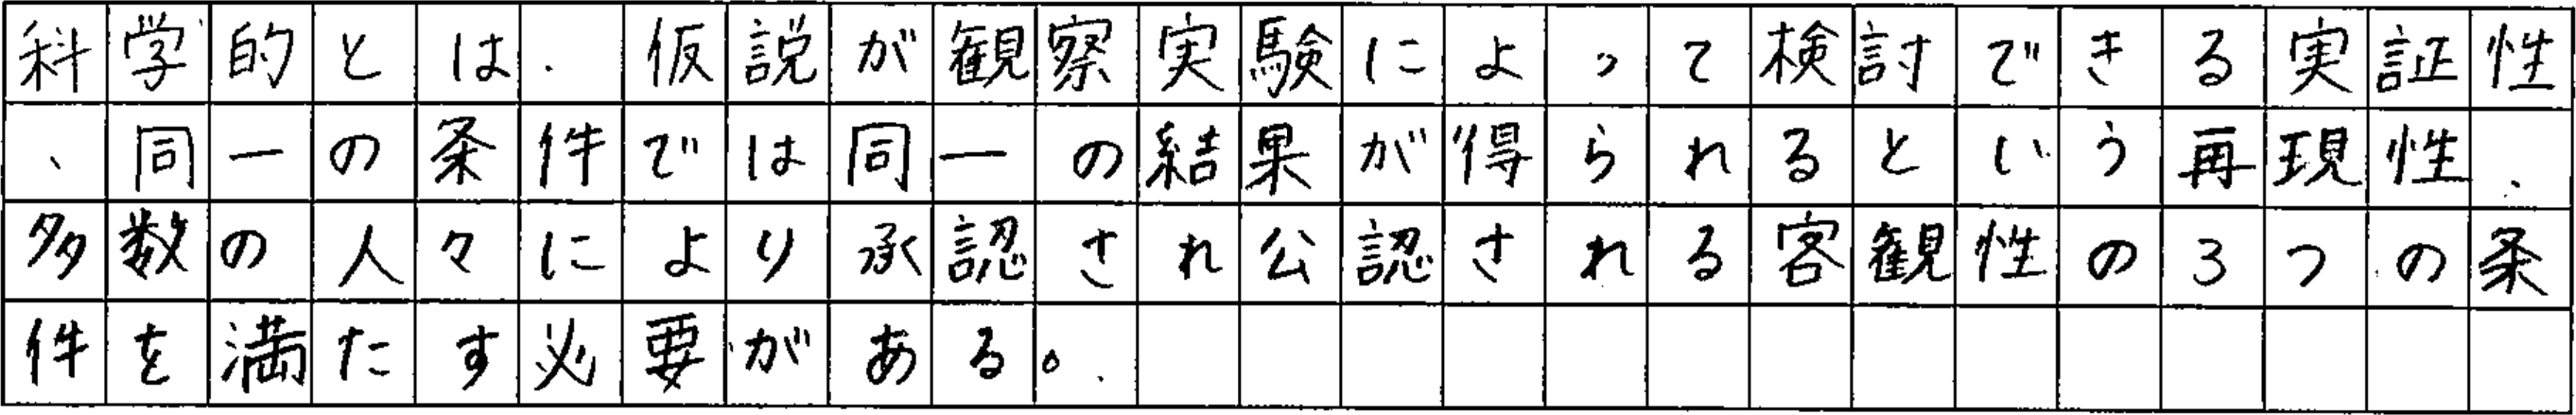科学的とは、仮説が観察実験によって検討できる実証性、同一の条件では同一の結果が得られるという再現性、多数の人々により承認され公認される客観性の３つの条件を満たす必要がある。
